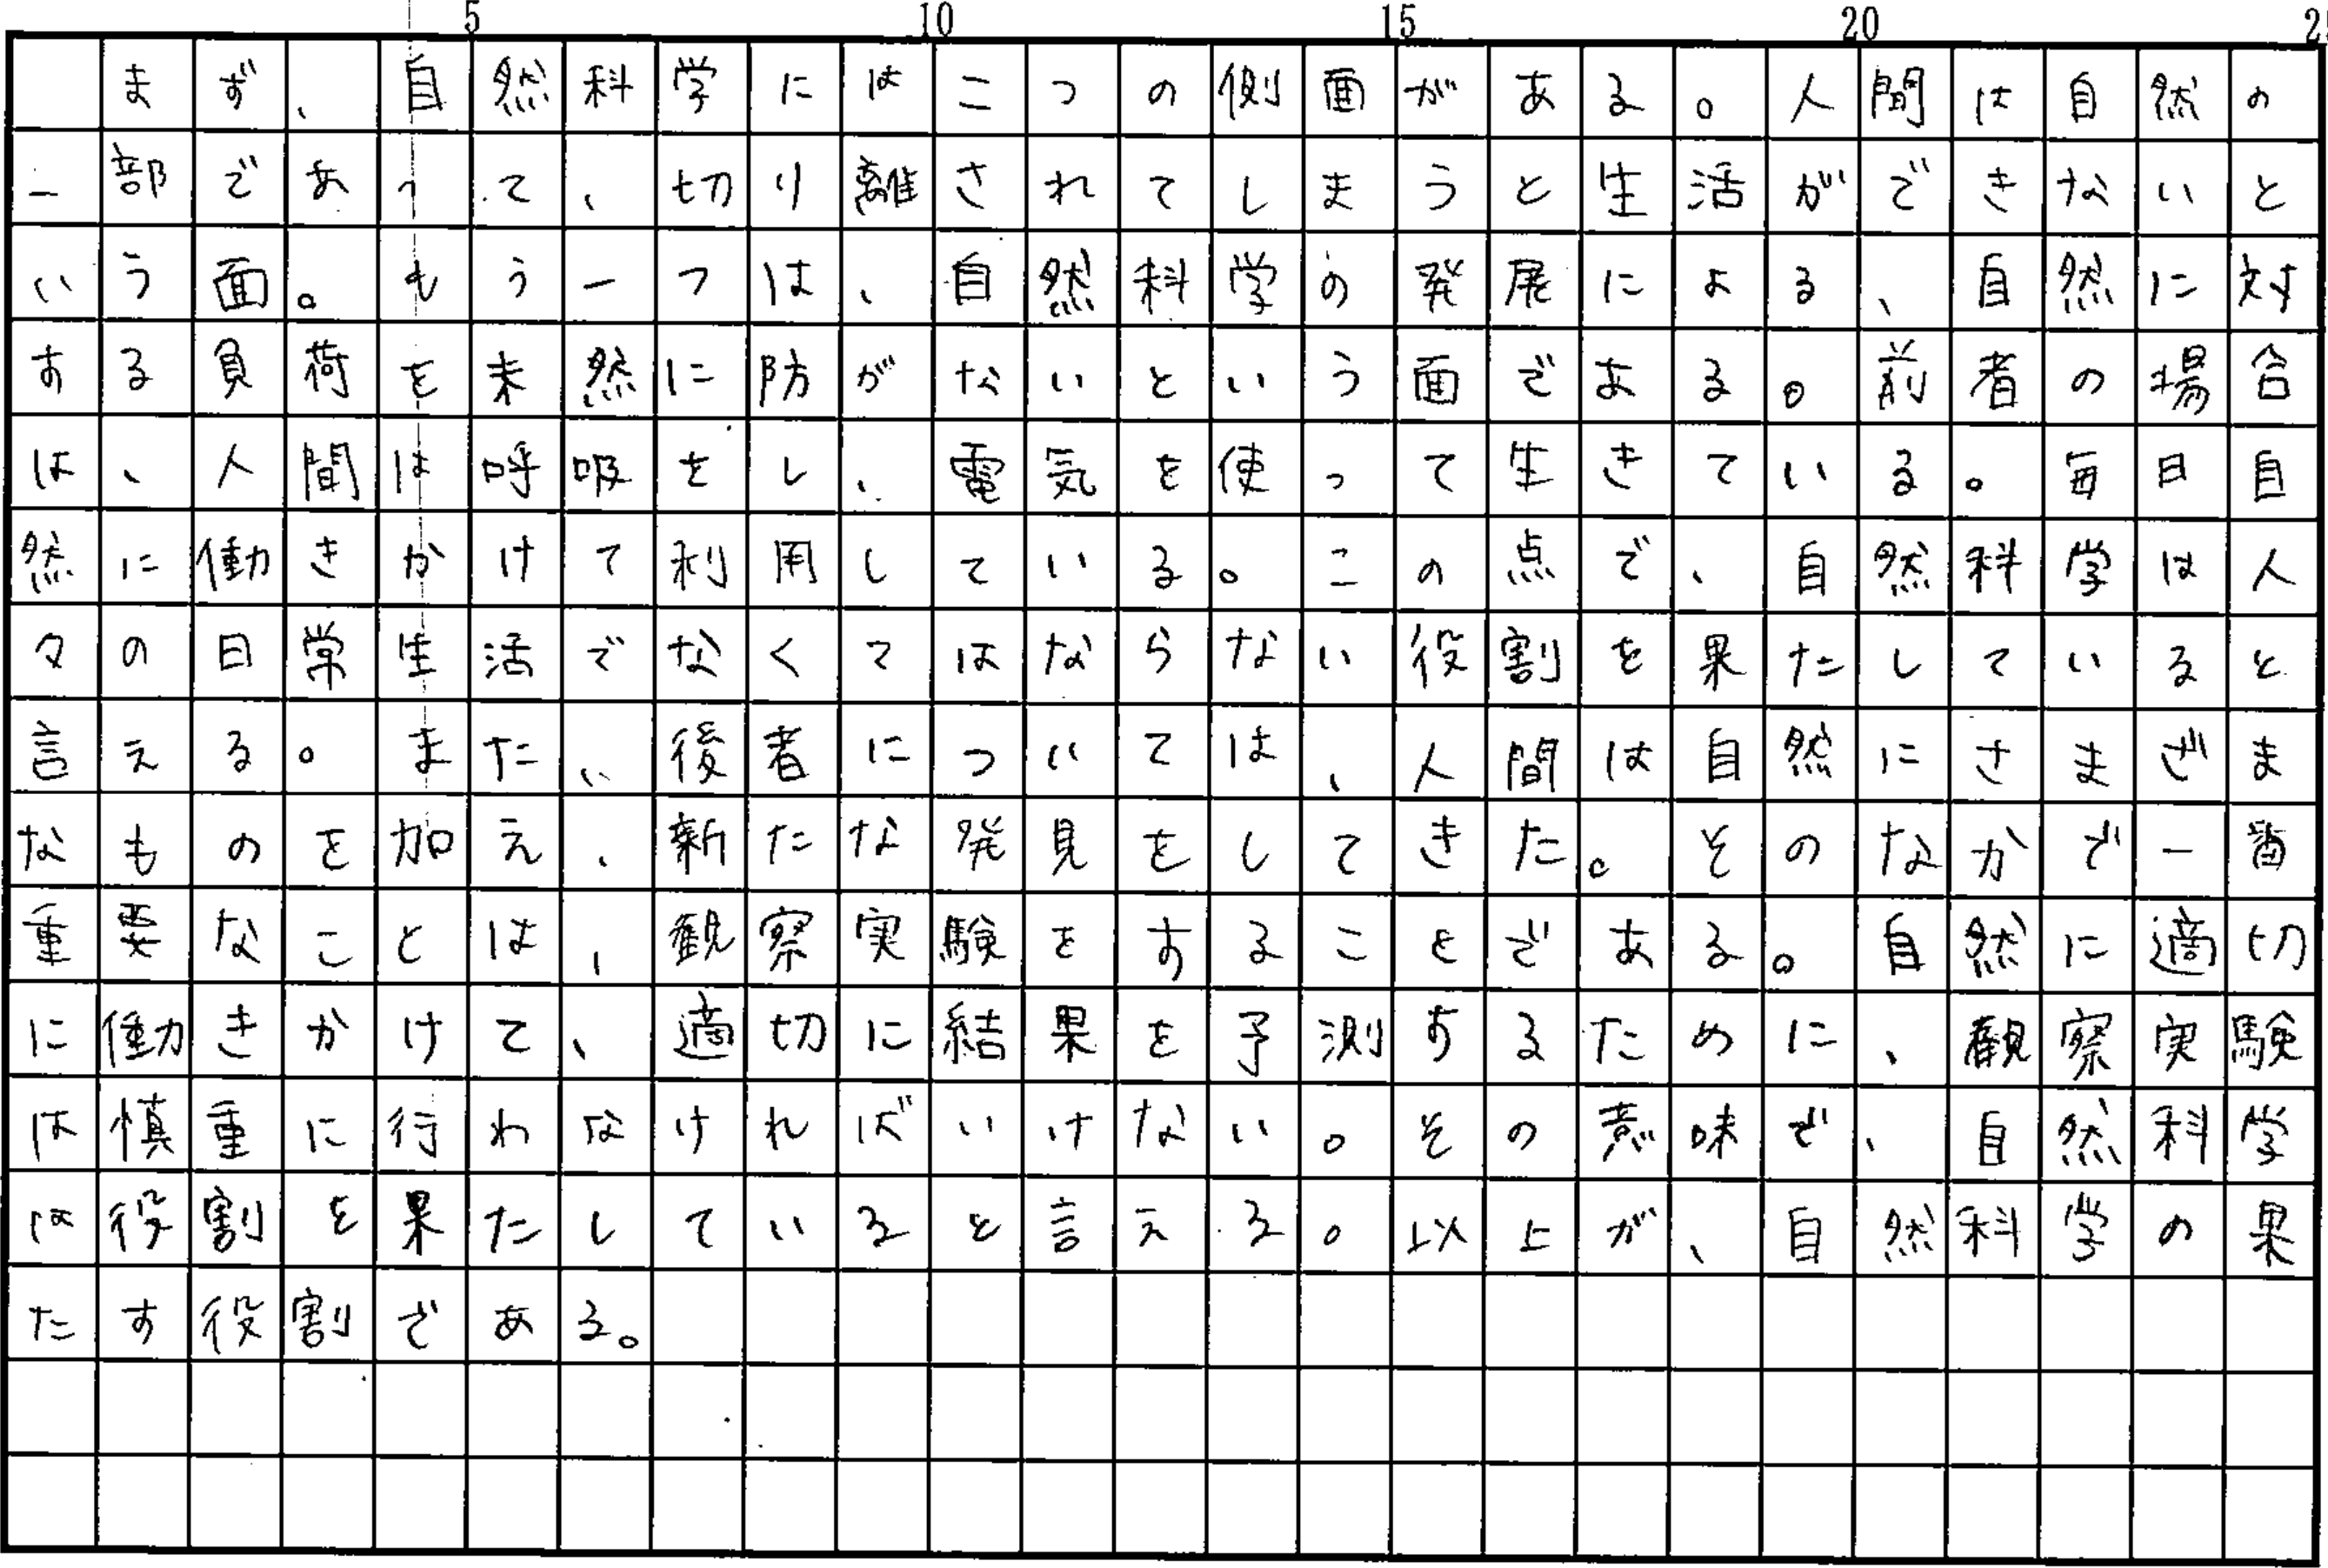　まず、自然科学には二つの側面がある。人間は自然の一部であって、切り離されてしまうと生活ができないという面。もう一つは、自然科学の発展による、自然に対する負荷を未然に防がないという面である。前者の場合は、人間は呼吸をし、電気を使って生きている。毎日自然に働きかけて利用している。この点で、自然科学は人々の日常生活でなくてはならない役割を果たしていると言える。また、後者については、人間は自然にさまざまなものを加え、新たな発見をしてきた。そのなかで一番重要なことは、観察実験をすることである。自然に適切に働きかけて、適切に結果を予測するために、観察実験は慎重に行わなければいけない。その意味で、自然科学は役割を果たしていると言える。以上が、自然科学の果たす役割である。
